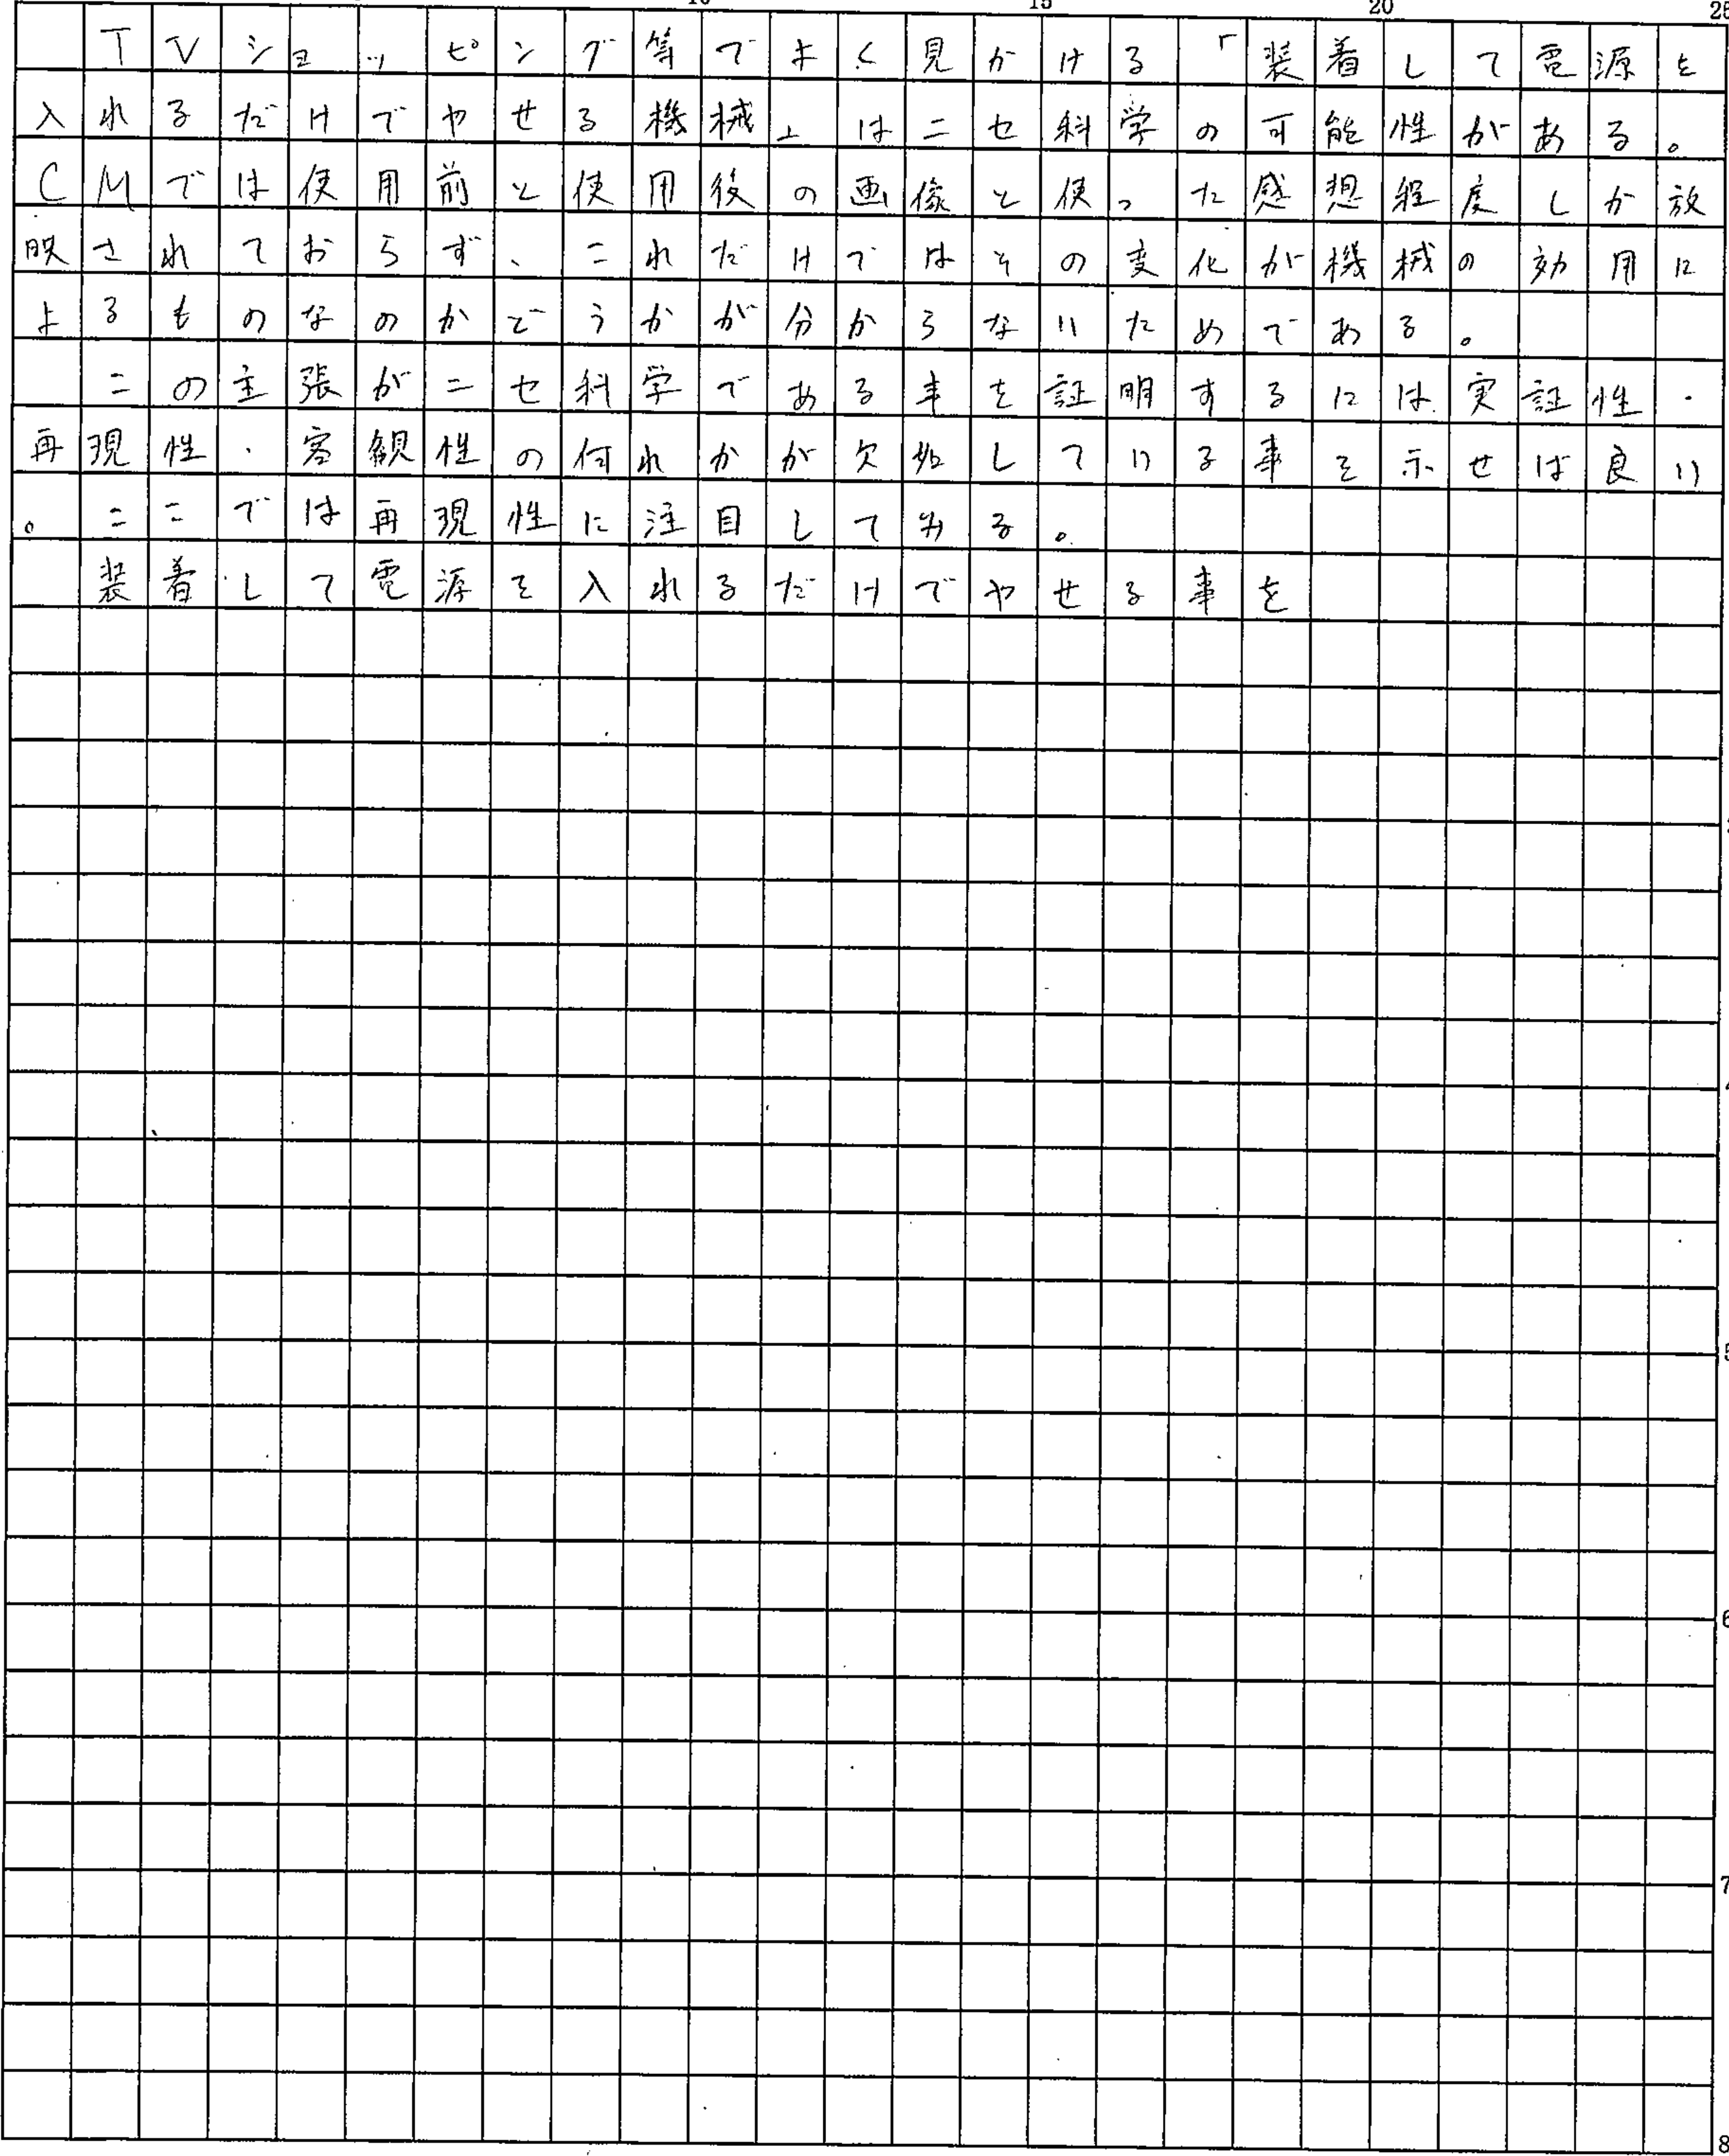　ＴＶショッピング等でよく見かける「装着して電源を入れるだけでやせる機械」はニセ科学の可能性がある。ＣＭでは使用前と使用後の画像と使った感想程度しか放映されておらず、これだけではその変化が機械の効用によるものなのかどうかが分からないためである。
　この主張がニセ科学である事を証明するには実証性・再現性・客観性の何れかが欠如している事を示せば良い。ここでは再現性に注目してみる。
　装着して電源を入れるだけでやせる事を
